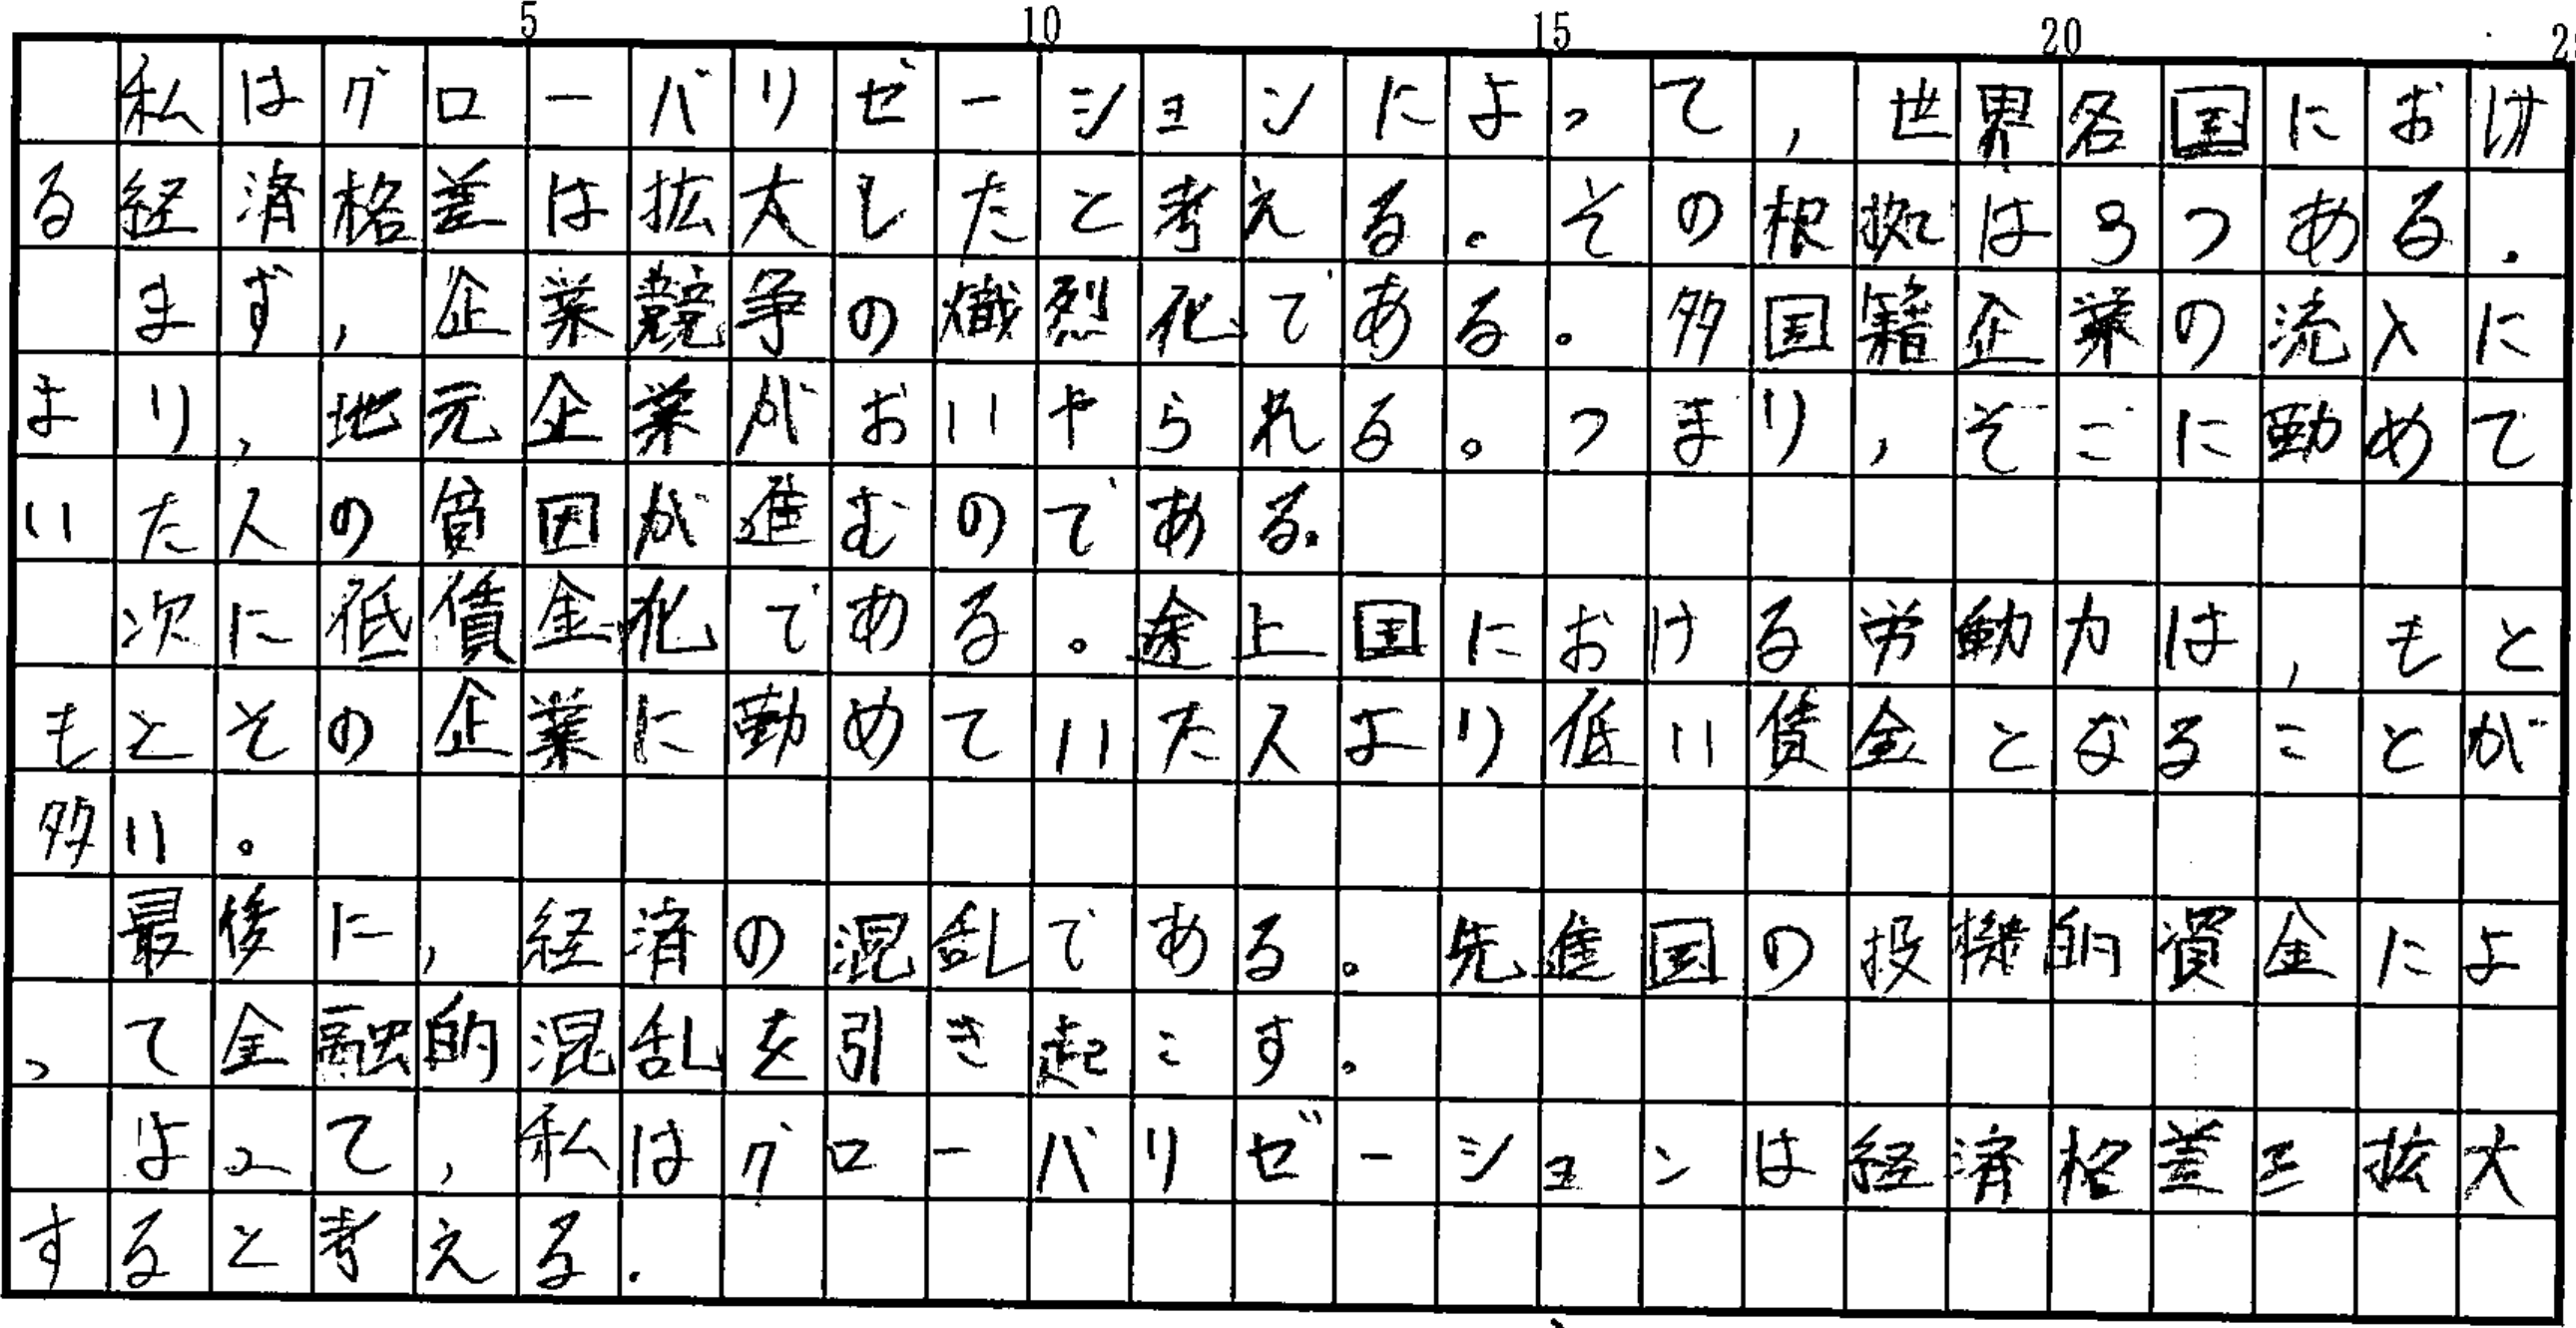　私はグローバリゼーションによって、世界各国における経済格差は拡大したと考える。その根拠は３つある。
　まず、企業競争の熾烈化である。多国籍企業の流入により、地元企業がおいやられる。つまり、そこに勤めていた人の貧因が進むのである。
　次に低賃金化である。途上国における労動力は、もともとその企業に勤めていた人より低い賃金となることが多い。
　最後に、経済の混乱である。先進国の投機的資金によって金融的混乱を引き起こす。
　よって私はグローバリゼーションは経済格差を拡大すると考える。
